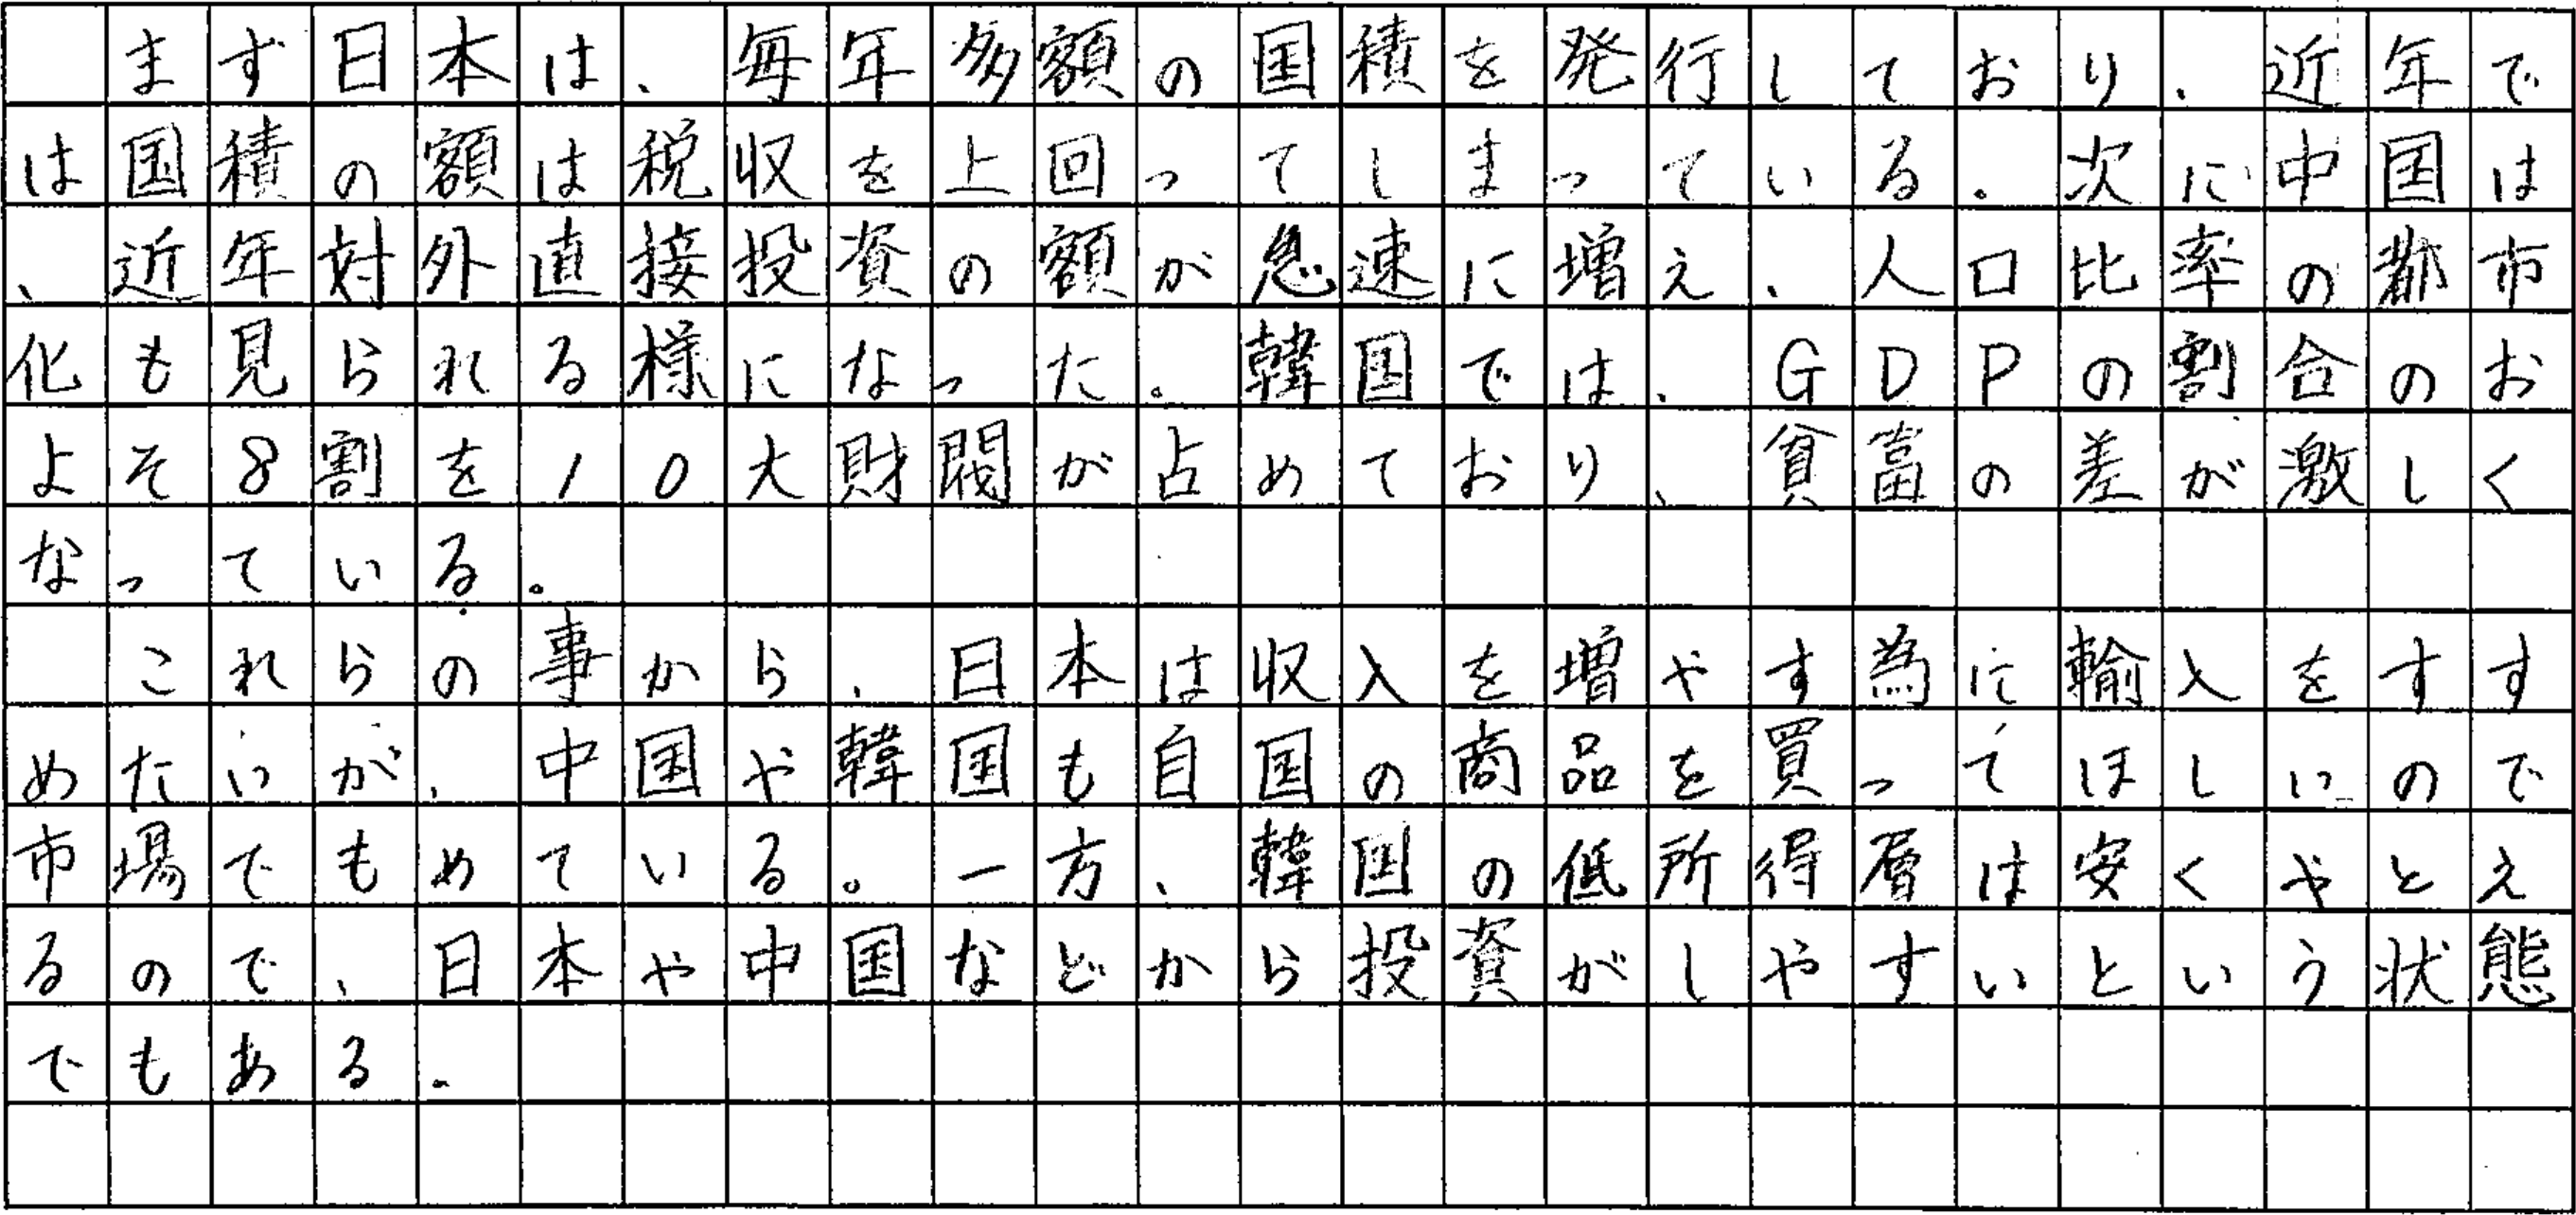　まず日本は、毎年多額の国積を発行しており、近年では国積の額は税収を上回ってしまっている。次に中国は、近年対外直接投資の額が急速に増え、人口比率の都市化も見られる様になった。韓国では、ＧＤＰの割合のおよそ８割を１０大財閥が占めており、貧富の差が激しくなっている。
　これらの事から、日本は収入を増やす為に輸入をすすめたいが、中国や韓国も自国の商品を買ってほしいので市場でもめている。一方、韓国の低所得層は安くやとえるので、日本や中国などから投資がしやすいという状態でもある。
